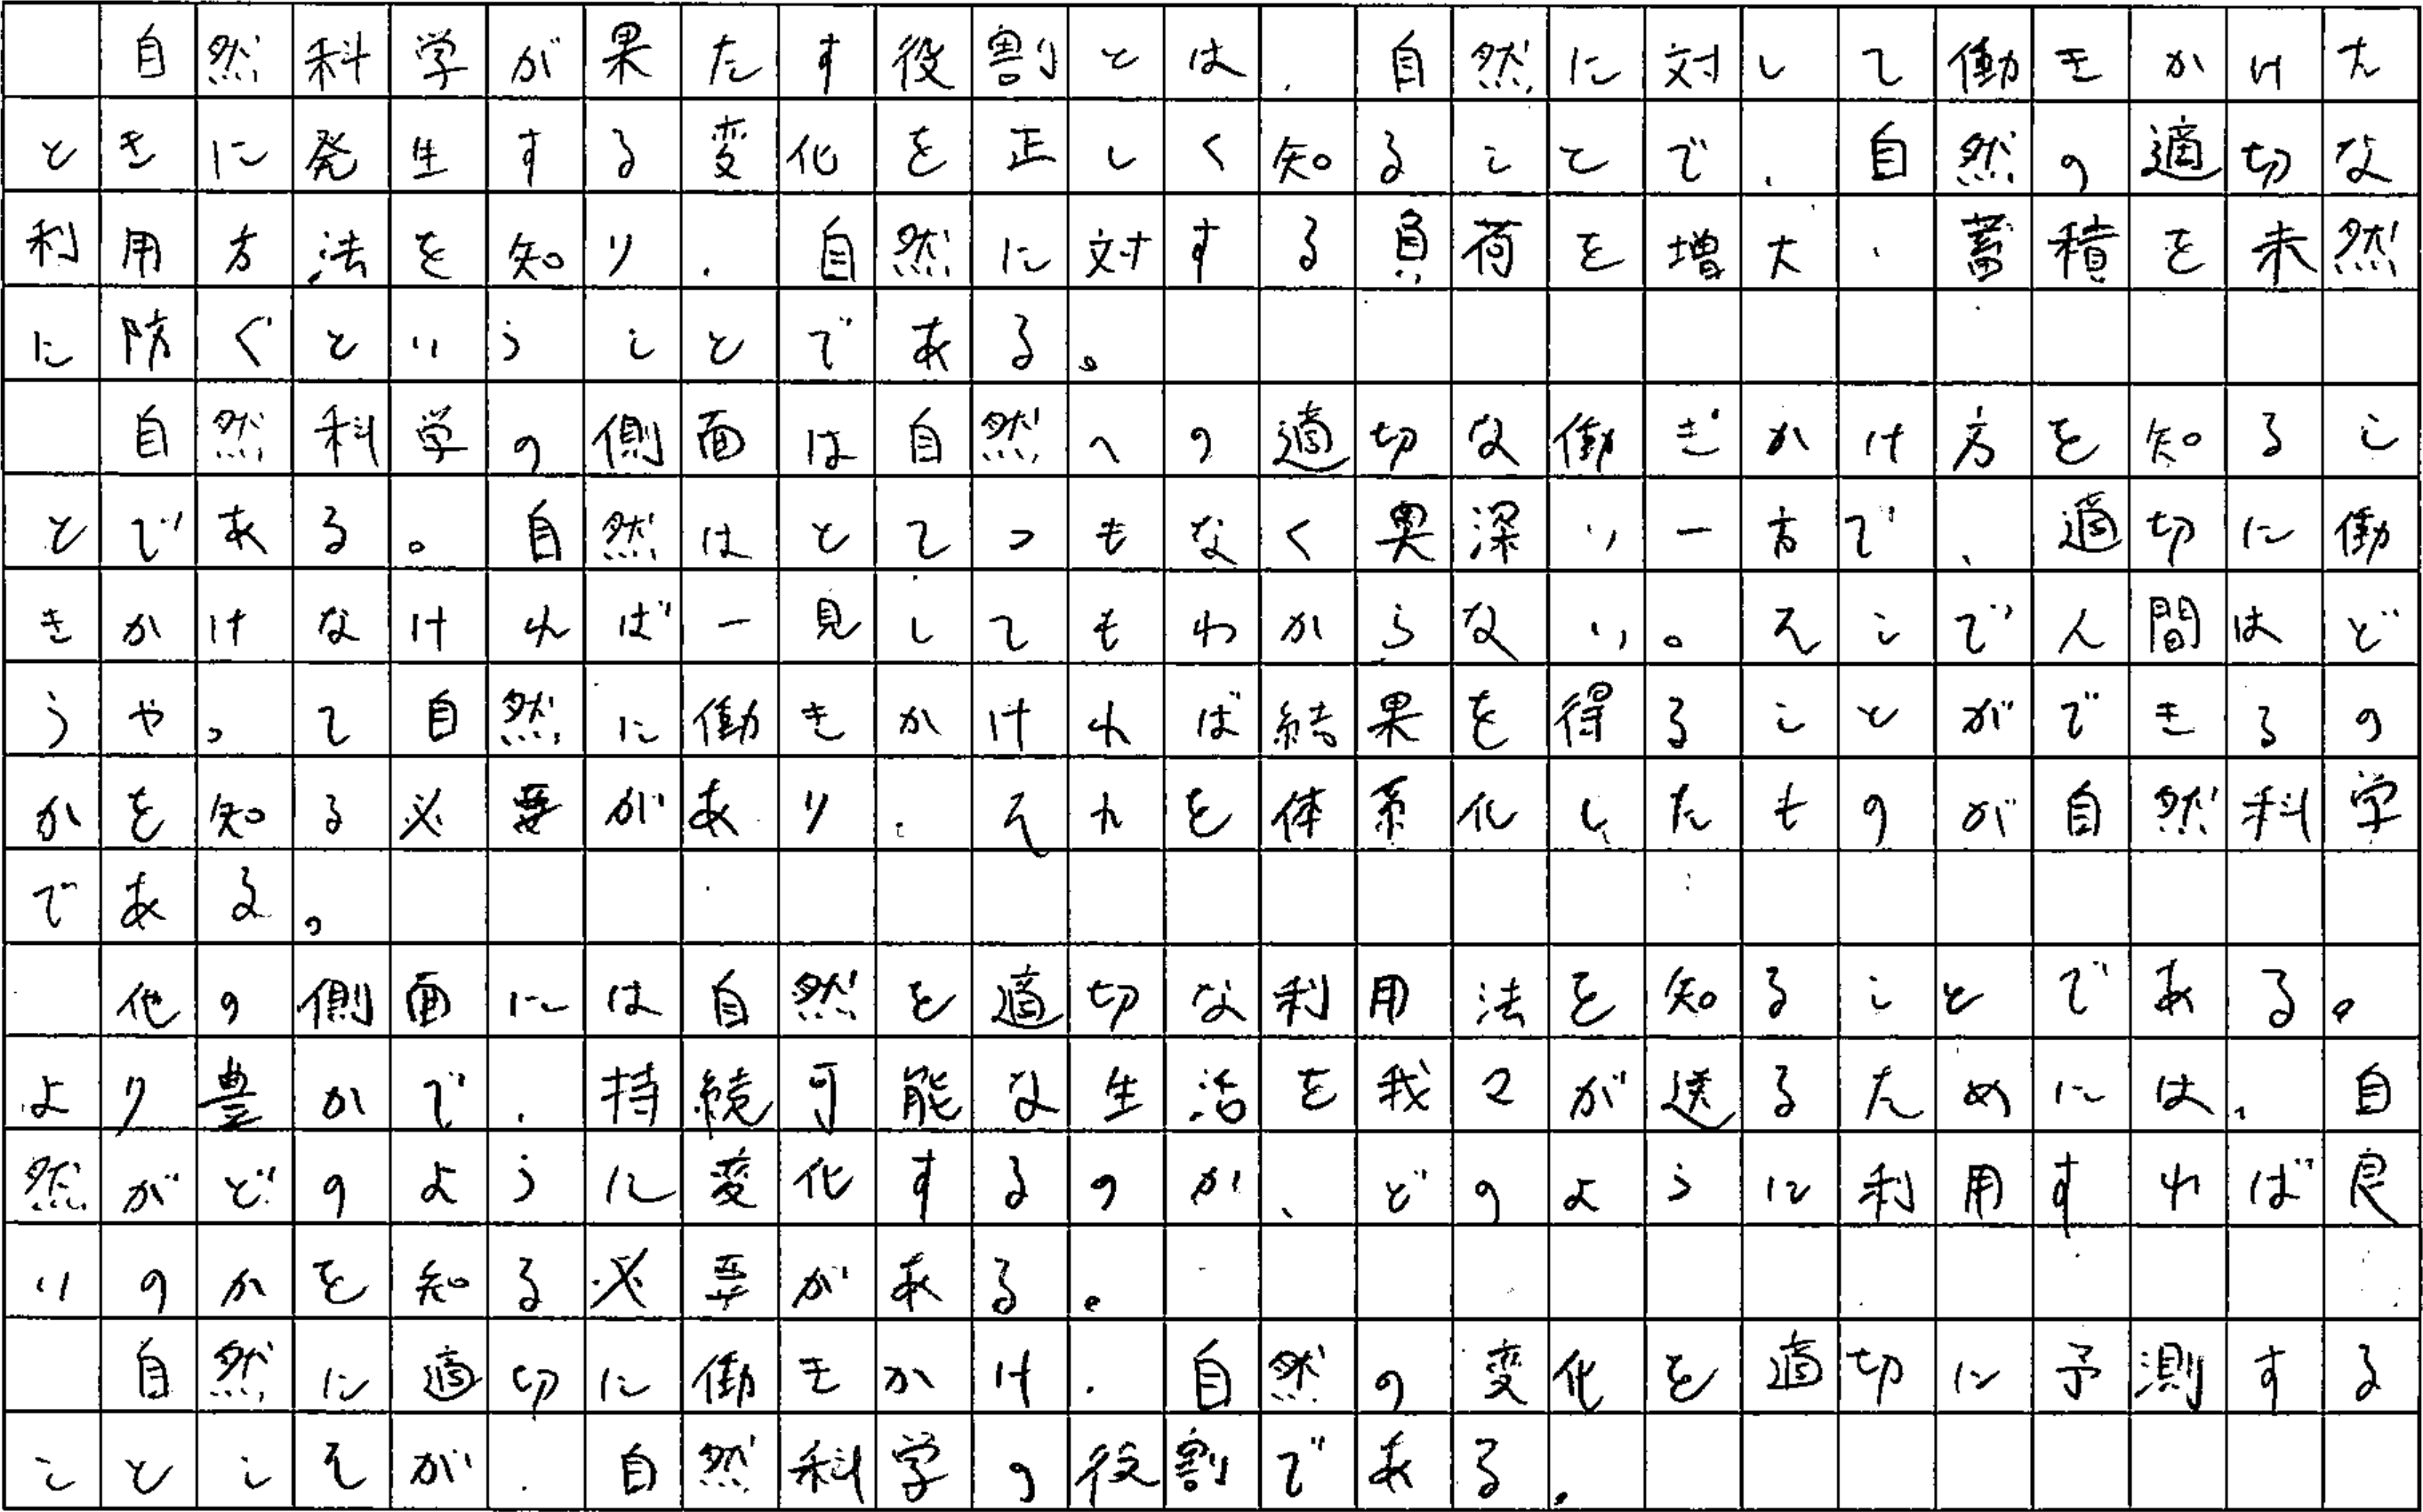　自然科学が果たす役割とは、自然に対して働きかけたときに発生する変化を正しく知ることで、自然の適切な利用方法を知り、自然に対する負荷を増大・蓄積を未然に防ぐということである。
　自然科学の側面は自然への適切な働きかけ方を知ることである。自然はとてつもなく奥深い一方で、適切に働きかけなければ一見してもわからない。そこで人間はどうやって自然に働きかければ結果を得ることができるのかを知る必要があり、それを体系化したものが自然科学である。
　他の側面には自然を適切な利用法を知ることである。より豊かで、持続可能な生活を我々が送るためには、自然がどのように変化するのか、どのように利用すれば良いのかを知る必要がある。
　自然に適切に働きかけ、自然の変化を適切に予測することこそが、自然科学の役割である。
